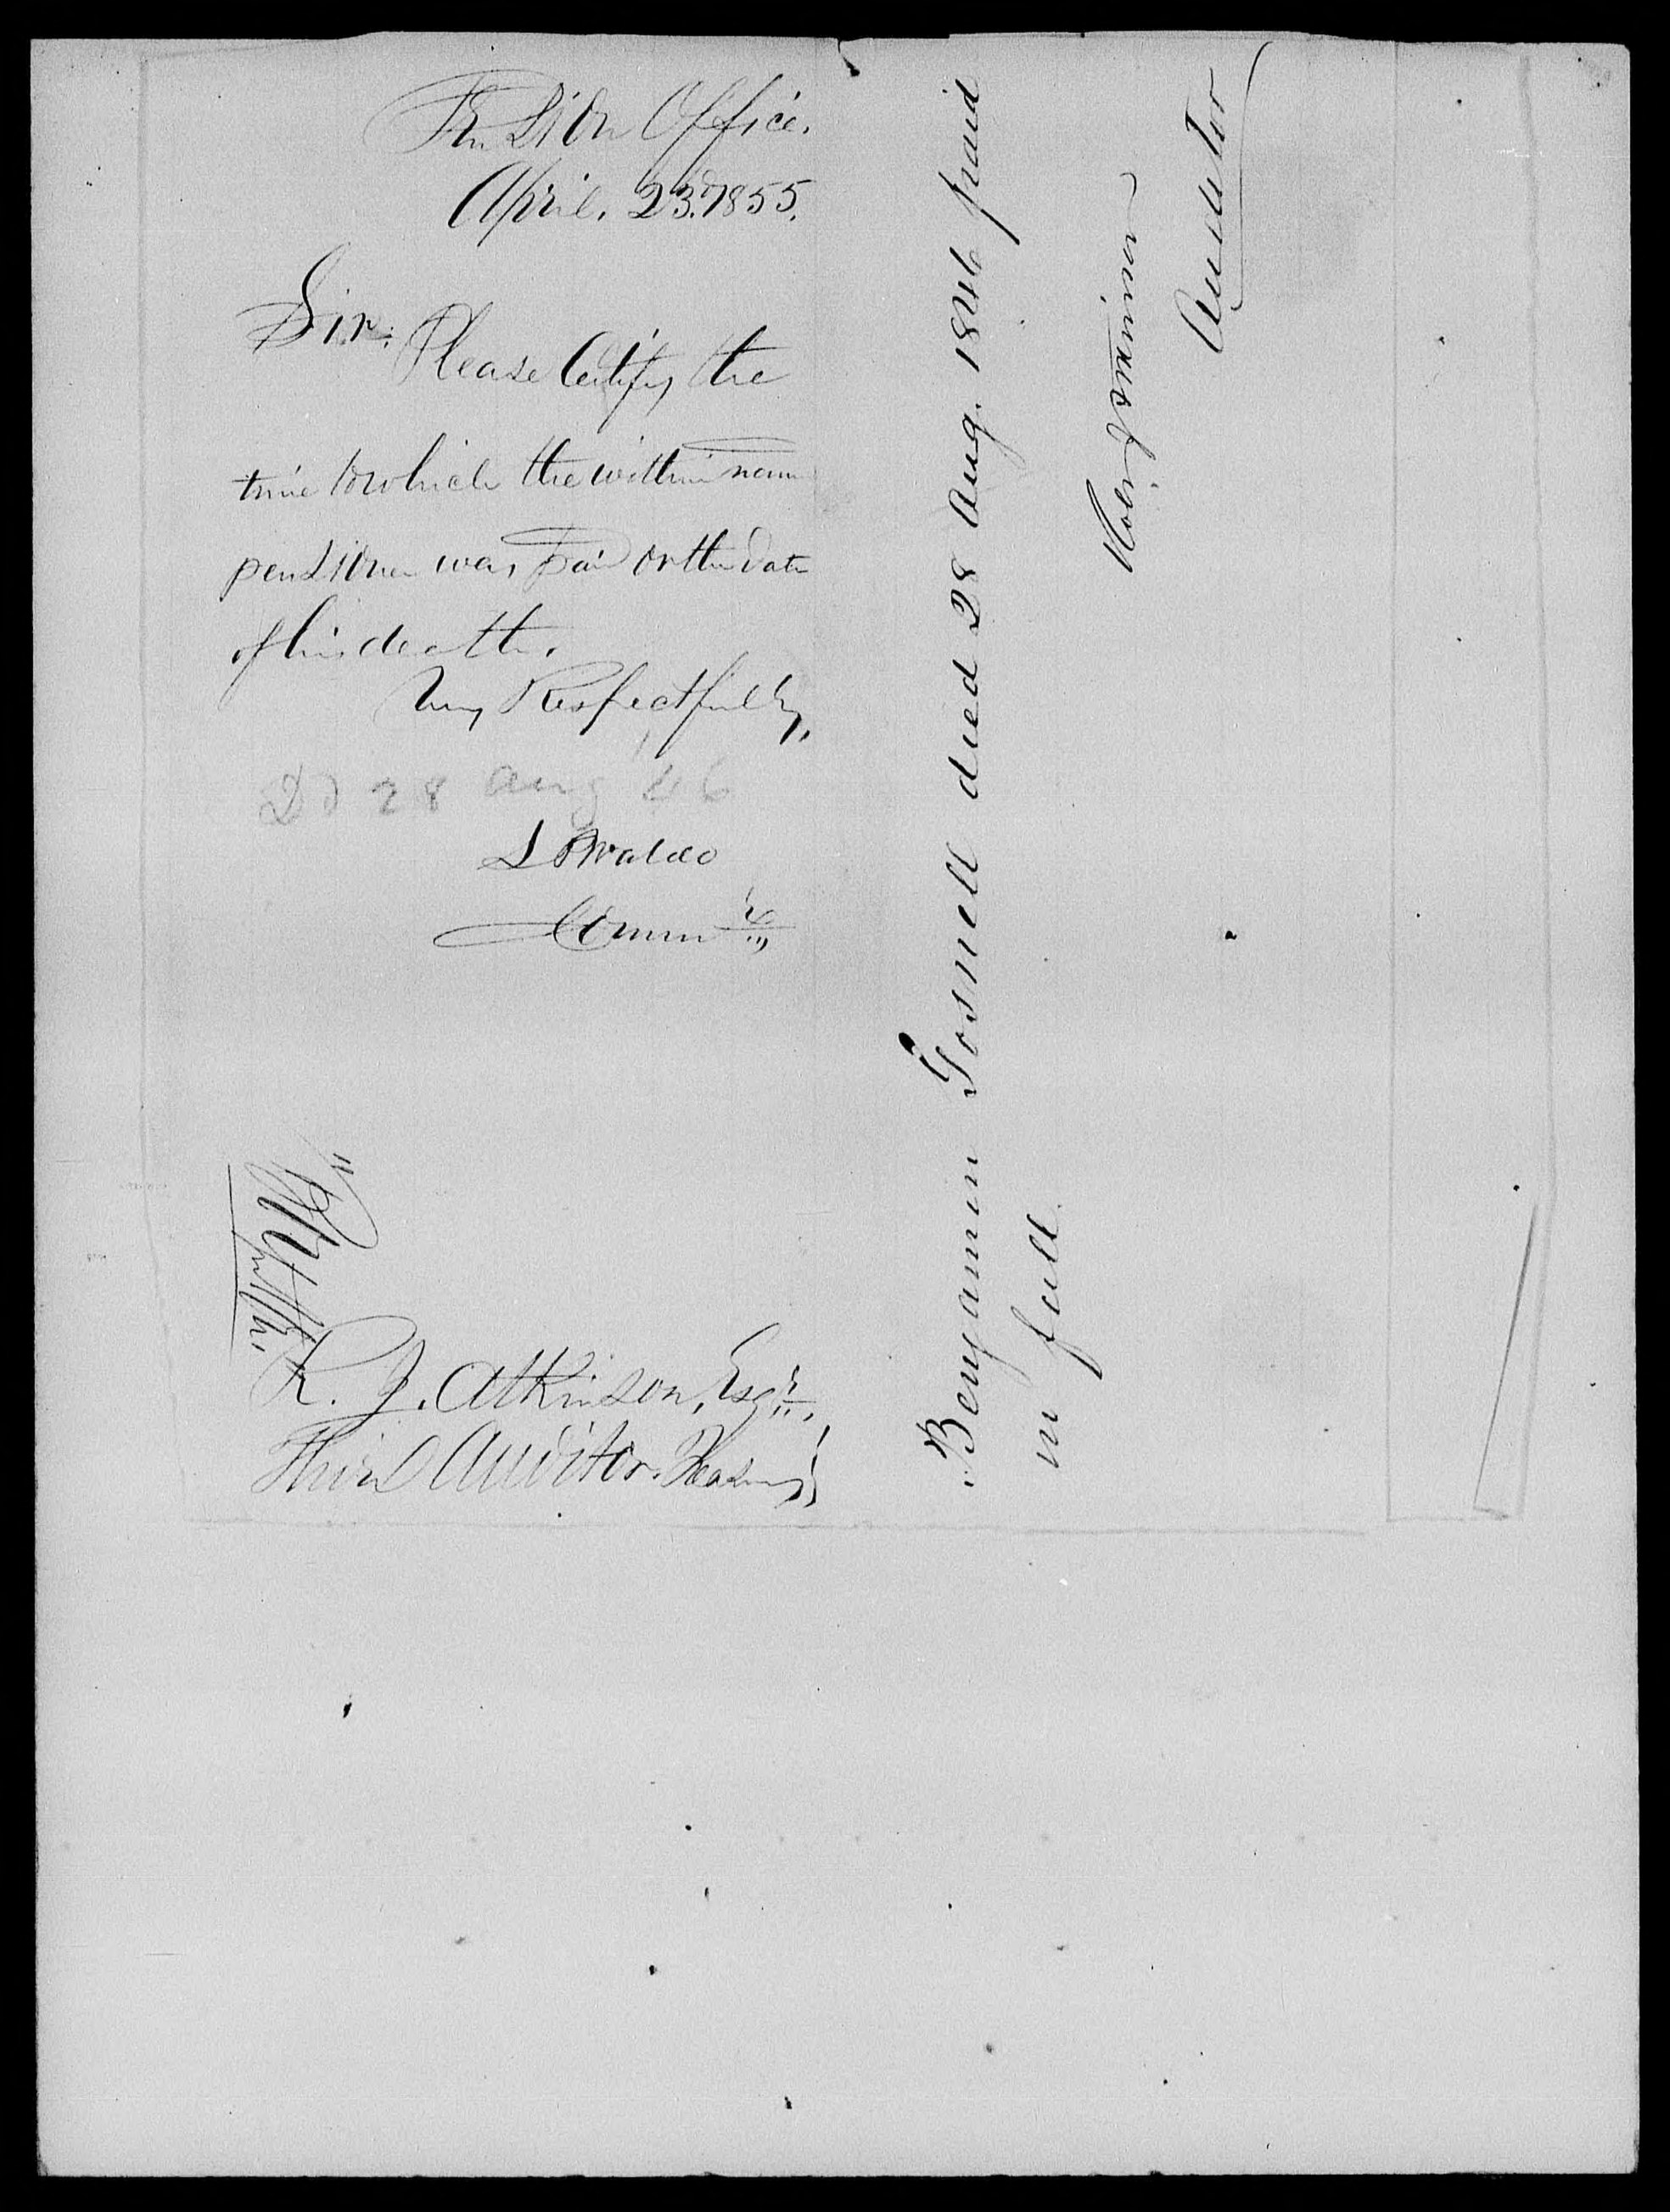[left page]
Pension Office.
April. 23, 1855
Sir:
Please Certify the time to which the within nam[ed] pensioner was paid or the Date of his death.
Very Respectfully,
L P Waldo
Comms"
[faintly written above signature]
Dd [Died or Deceased] 28 Aug. '46
R. J. Atkinson, Esqr
Third Auditor. [pillegible]
[at left; vertical]
"Boynton" [S.C. Boynton, clerk]

[right page; vertical]
Benjamin Gosnell died 28 Aug. 1826 paid in full.
Robt J Atkinson
Auditor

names: L P Waldo, R J Atkinson, Benjamin Gosnell, Robt J Atkinson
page: 25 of 39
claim: widow's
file: W. 11060, Benjamin Gosnell, Va.